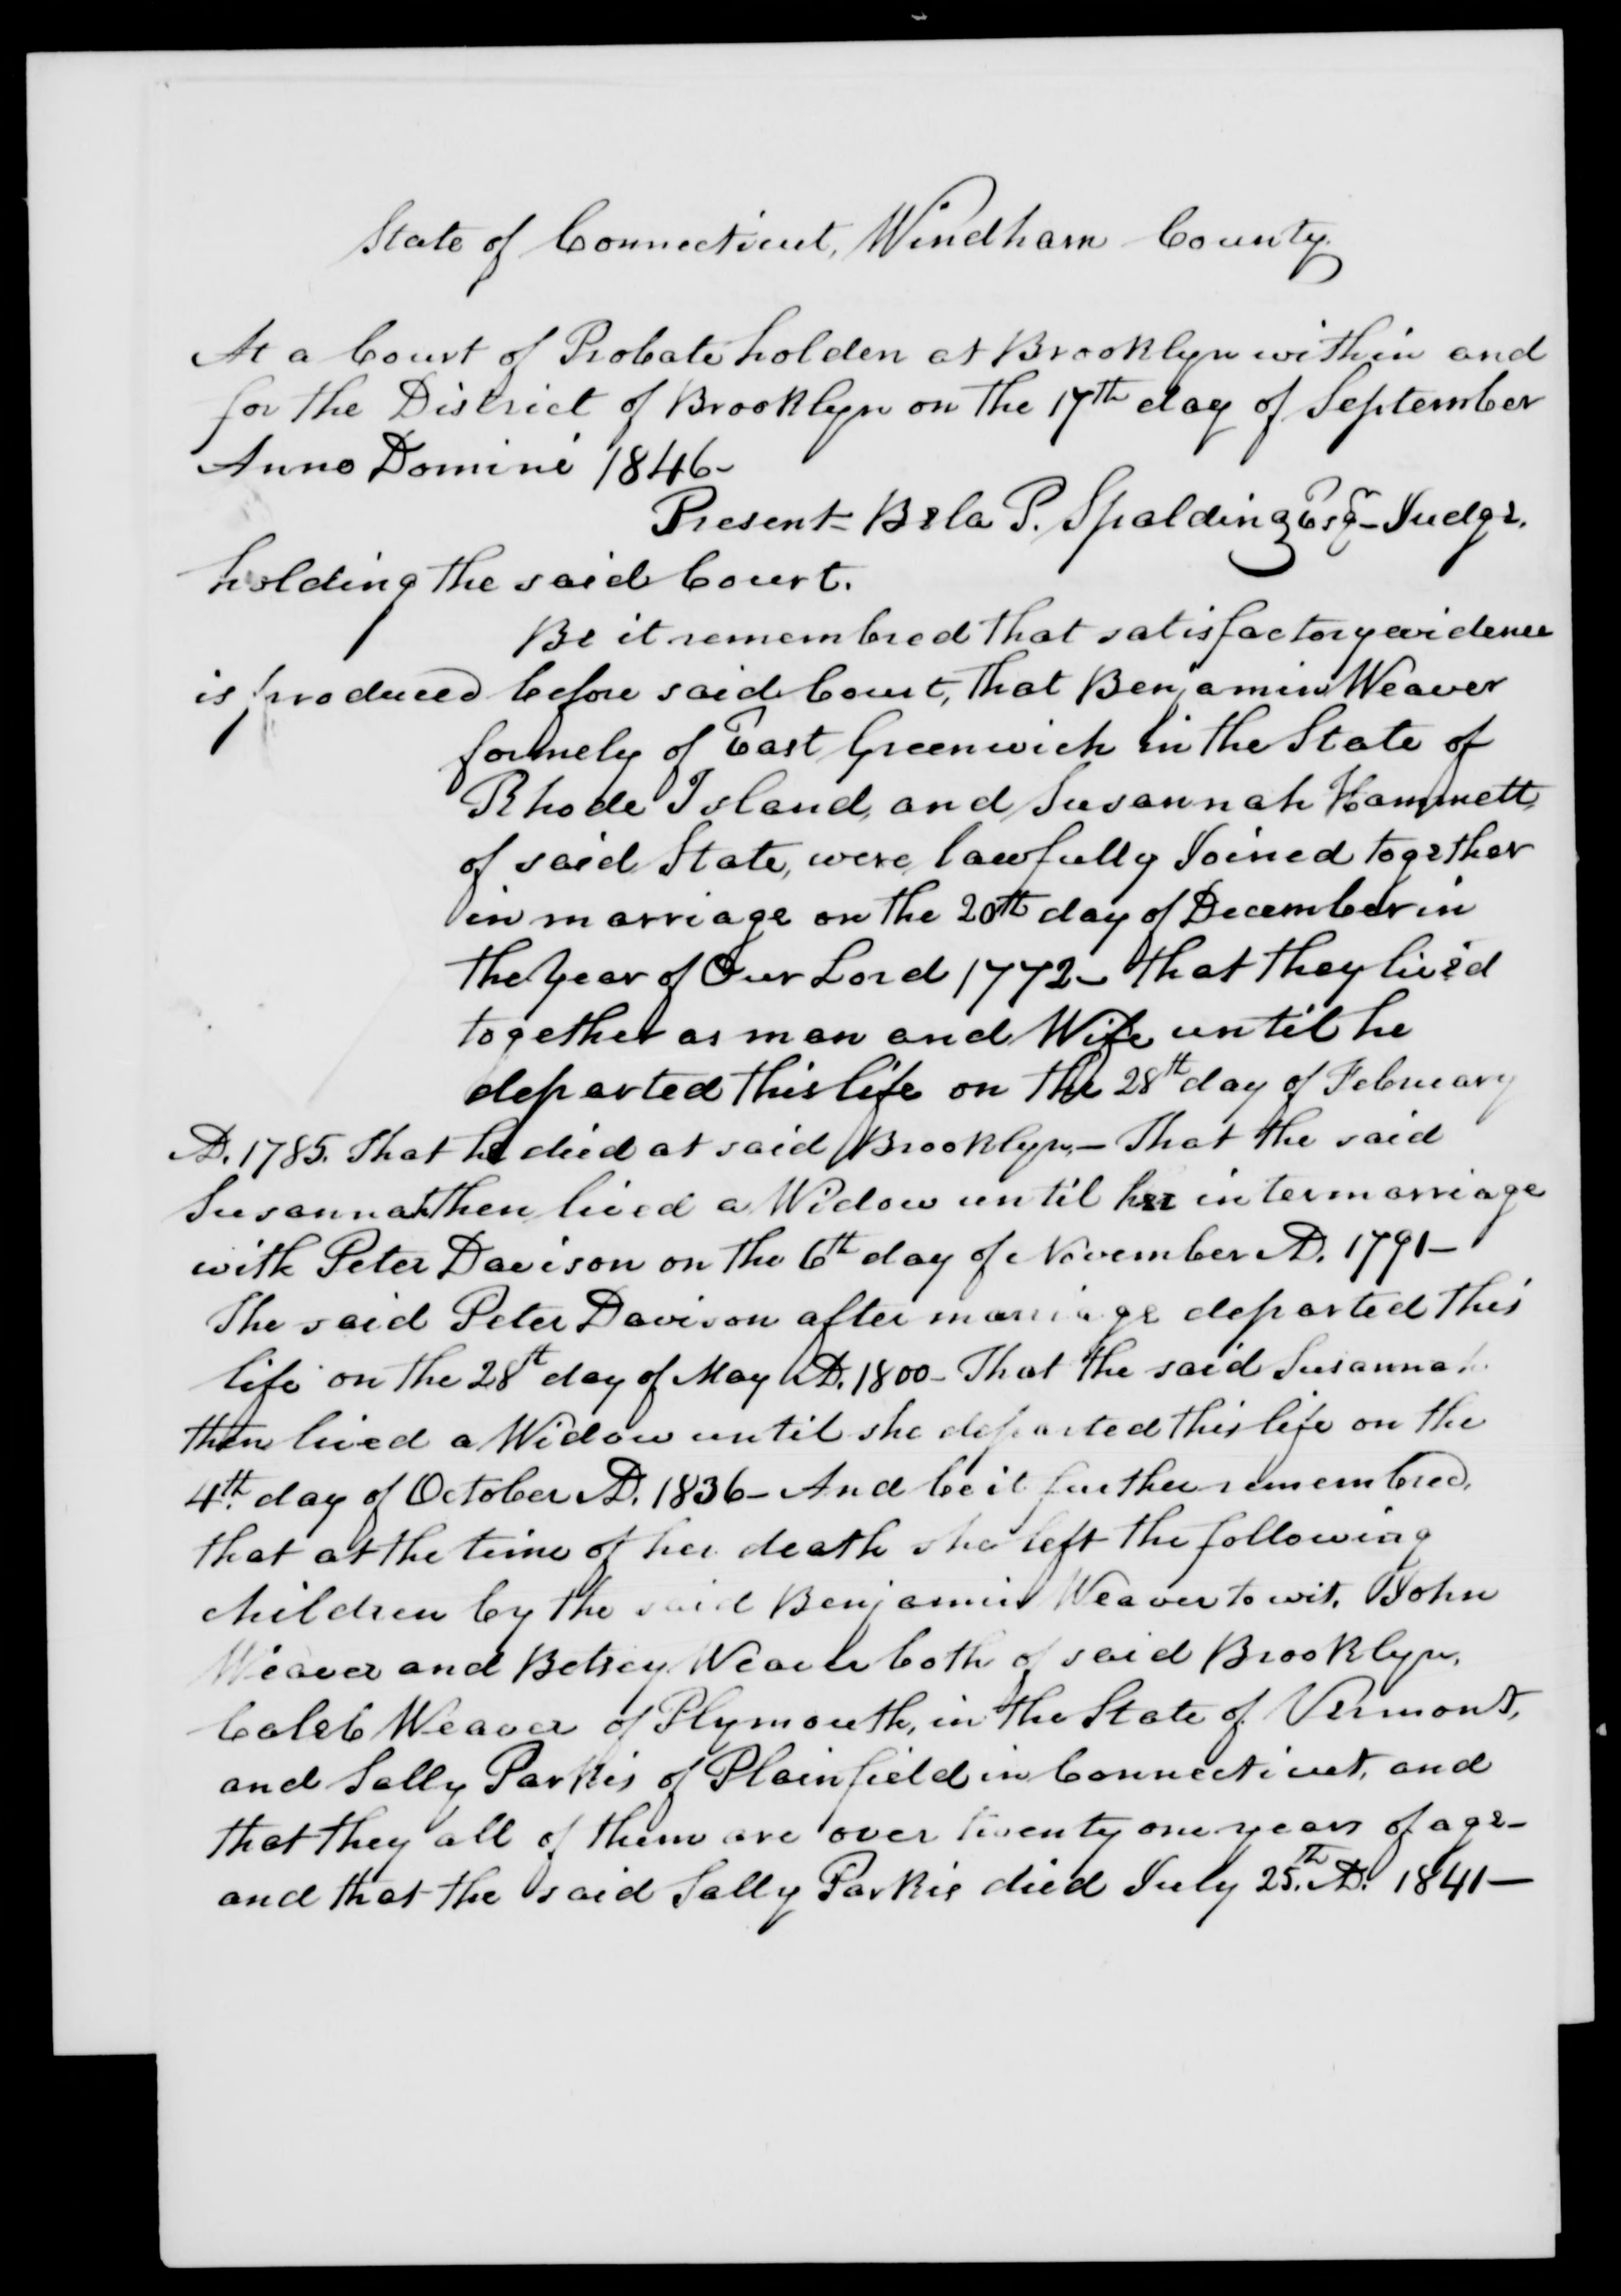State of Connecticut, Windham County

At a Court of Probate Holden at Brooklyn within and for the District of Brooklyn on the 17th day of September Anno Domini 1846.
Present Bela P. Spalding Esq. Judge holding the said Court.
Be it remembered that satisfactory evidence is produced before said Court, that Benjamin Weaver formerly of East Greenwich in the State of Rhode Island and Susannah Hammett of said State were lawfully joined together in marriage on the 20th day of December in the year of Our Lord 1772- that they lived together as man and Wife until he departed this life on the 28th day of February A.D. 1785. That he died at said Brooklyn. That the said Susannah then lived a Widow until her inter  marriage with the said Peter Davison on the 6th day of November A. D. 1791. The said Peter Davison after marriage  departed this life on the 28th day of May A.D. 1800. That the said Susannah then lived a Widow until she departed this life on the 4th day of October A.D. 1836. And be it further remembered that at the time of her death she left the following children by the said Benjamin Weaver to wit , John Weaver and Betsey Weaver both of said Brooklyn, Caleb Weaver of Plain field in Connecticut, and Sally Parkis of Plainfield in Connecticut and that they all of them are over twenty one years of age and that the said Sally Parkis died July 25th 1841-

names: Caleb Weaver, John Weaver, Peter Davison, Bela P Spalding, Betsey Weaver, Sally Parkis, Susannah Hammett, Benjamin Weaver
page: 13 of 53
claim: widow's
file: W 17707, Benjamin Weaver, R.I.